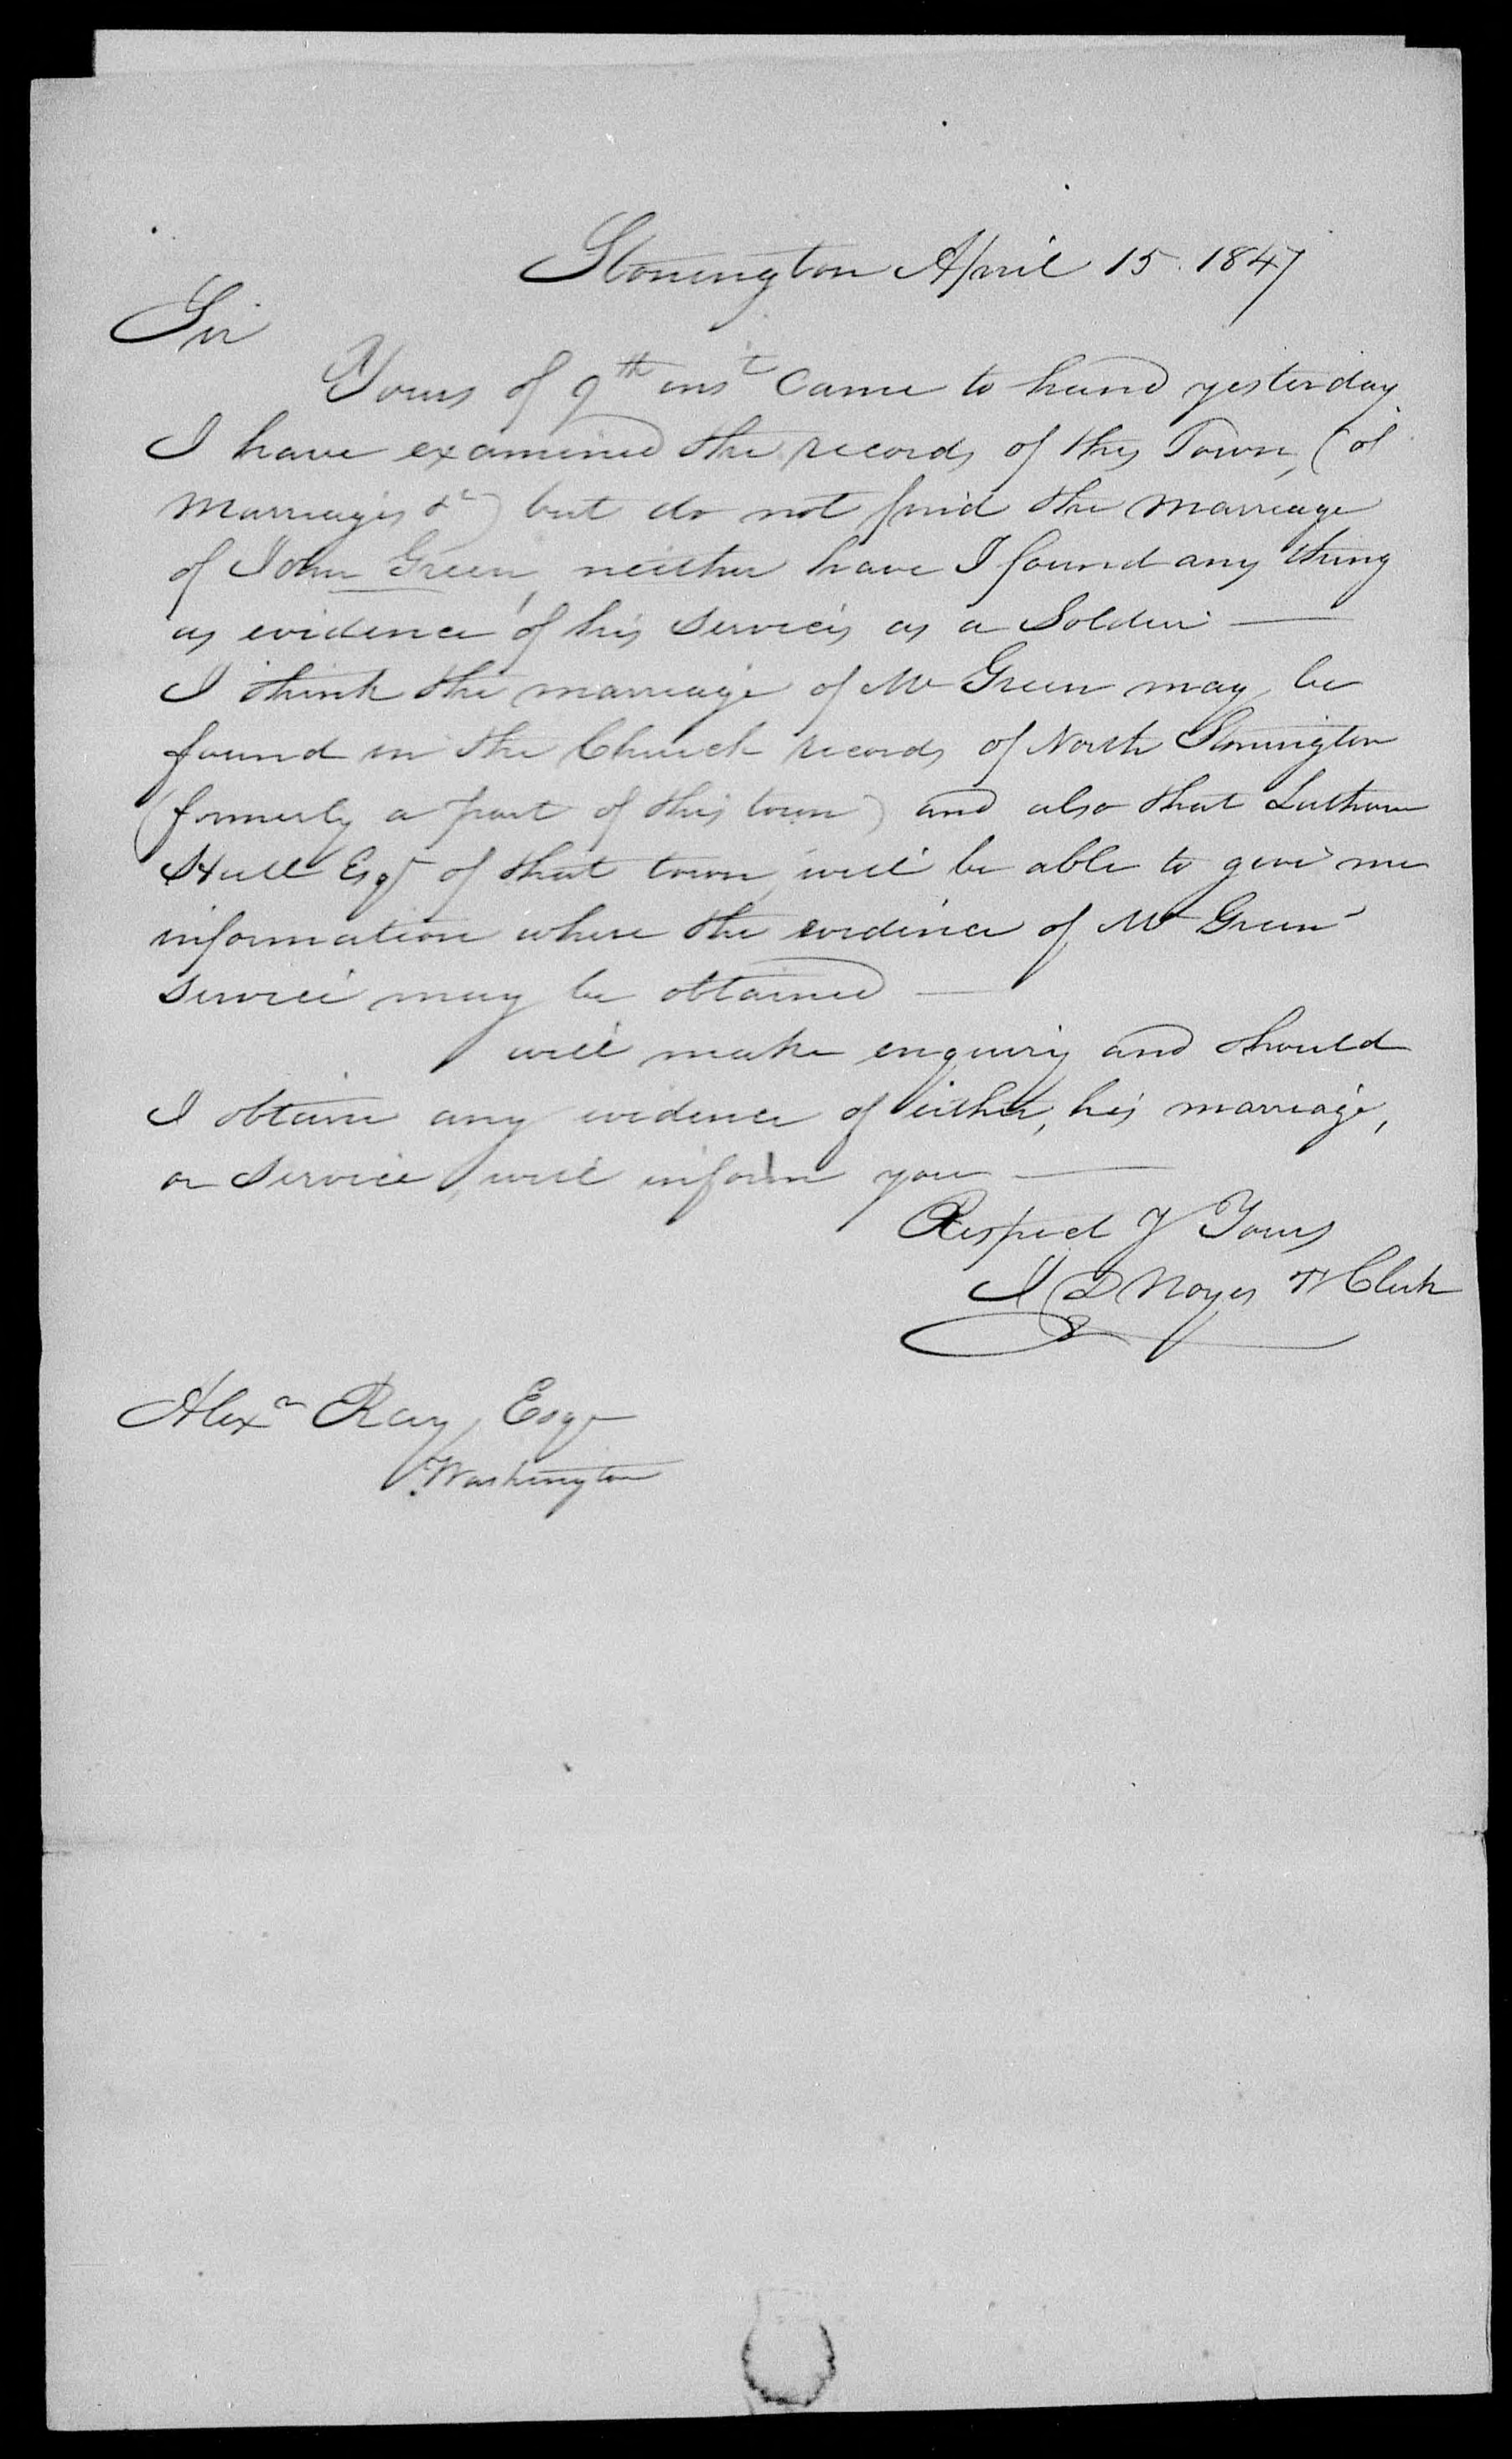Stonington April 15 1847
Sir
Yours of 7th inst came to hand yesterday. I have examined the records of the town (of marriages) but do not find the marriage of John Green, neither have I found any thing as evidence of his service as a soldier— I think the marriage of Mr. Green may be found in the church records of North Stonington (formerly a part of this town) and also that Luther Hull Esq of that town will be able to give me information where the evidence of Mr. Green's service may be obtained.
I will make inquiry and should I obtain any evidence of either his marriage or service will inform you. 
Respectfully yours,
J. D. Noyes, T Clerk

Alex Ray Esq
Washington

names: Latham Hall, John Green, Green, Green, Alexr Ray, J D Noyes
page: 35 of 40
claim: rejected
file: R. 4251, John Green, Conn.